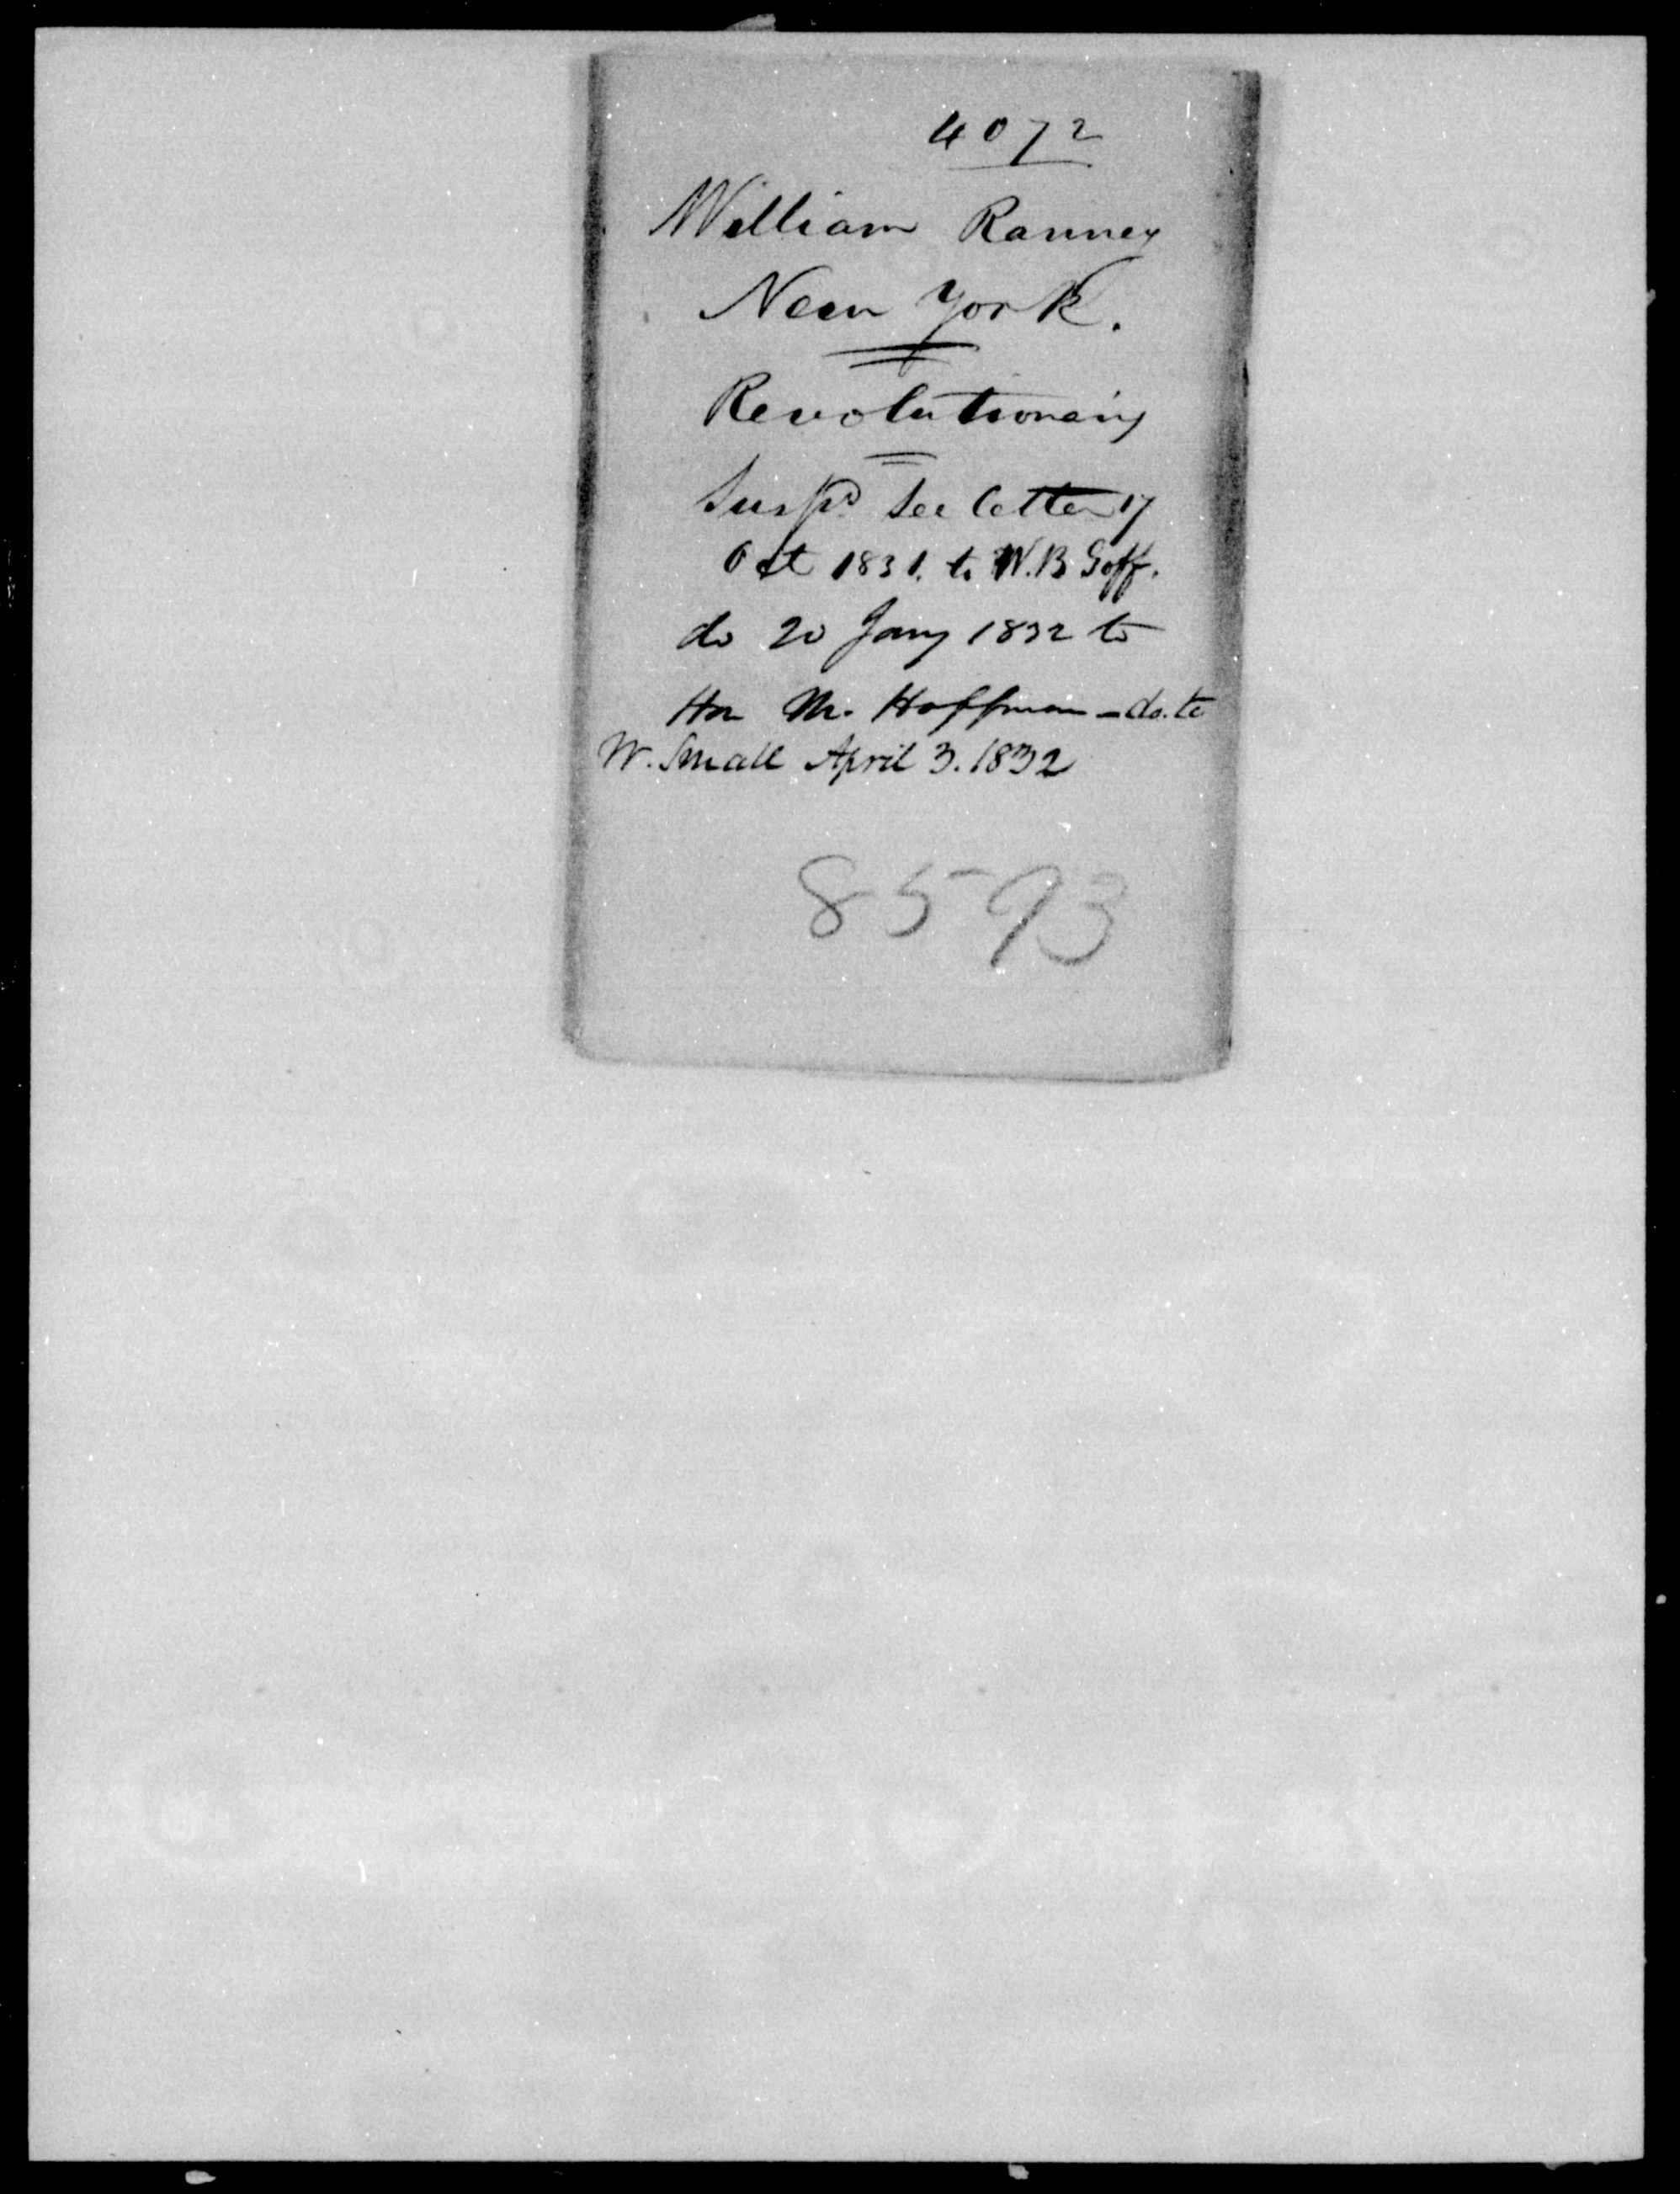4072
William Ranney
New York
Revolutionary
Susp'd See letter of Oct 1831 to W.B. Goff 
do 20 Jany [January] 1832 to Hon. Mr. Hoffman
do to W. Small April 3 1832
8593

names: William Ranney; W Small; M Hoffman; W B Goff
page: 7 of 12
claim: rejected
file: R. 8,593, for William Ranney, Connecticut